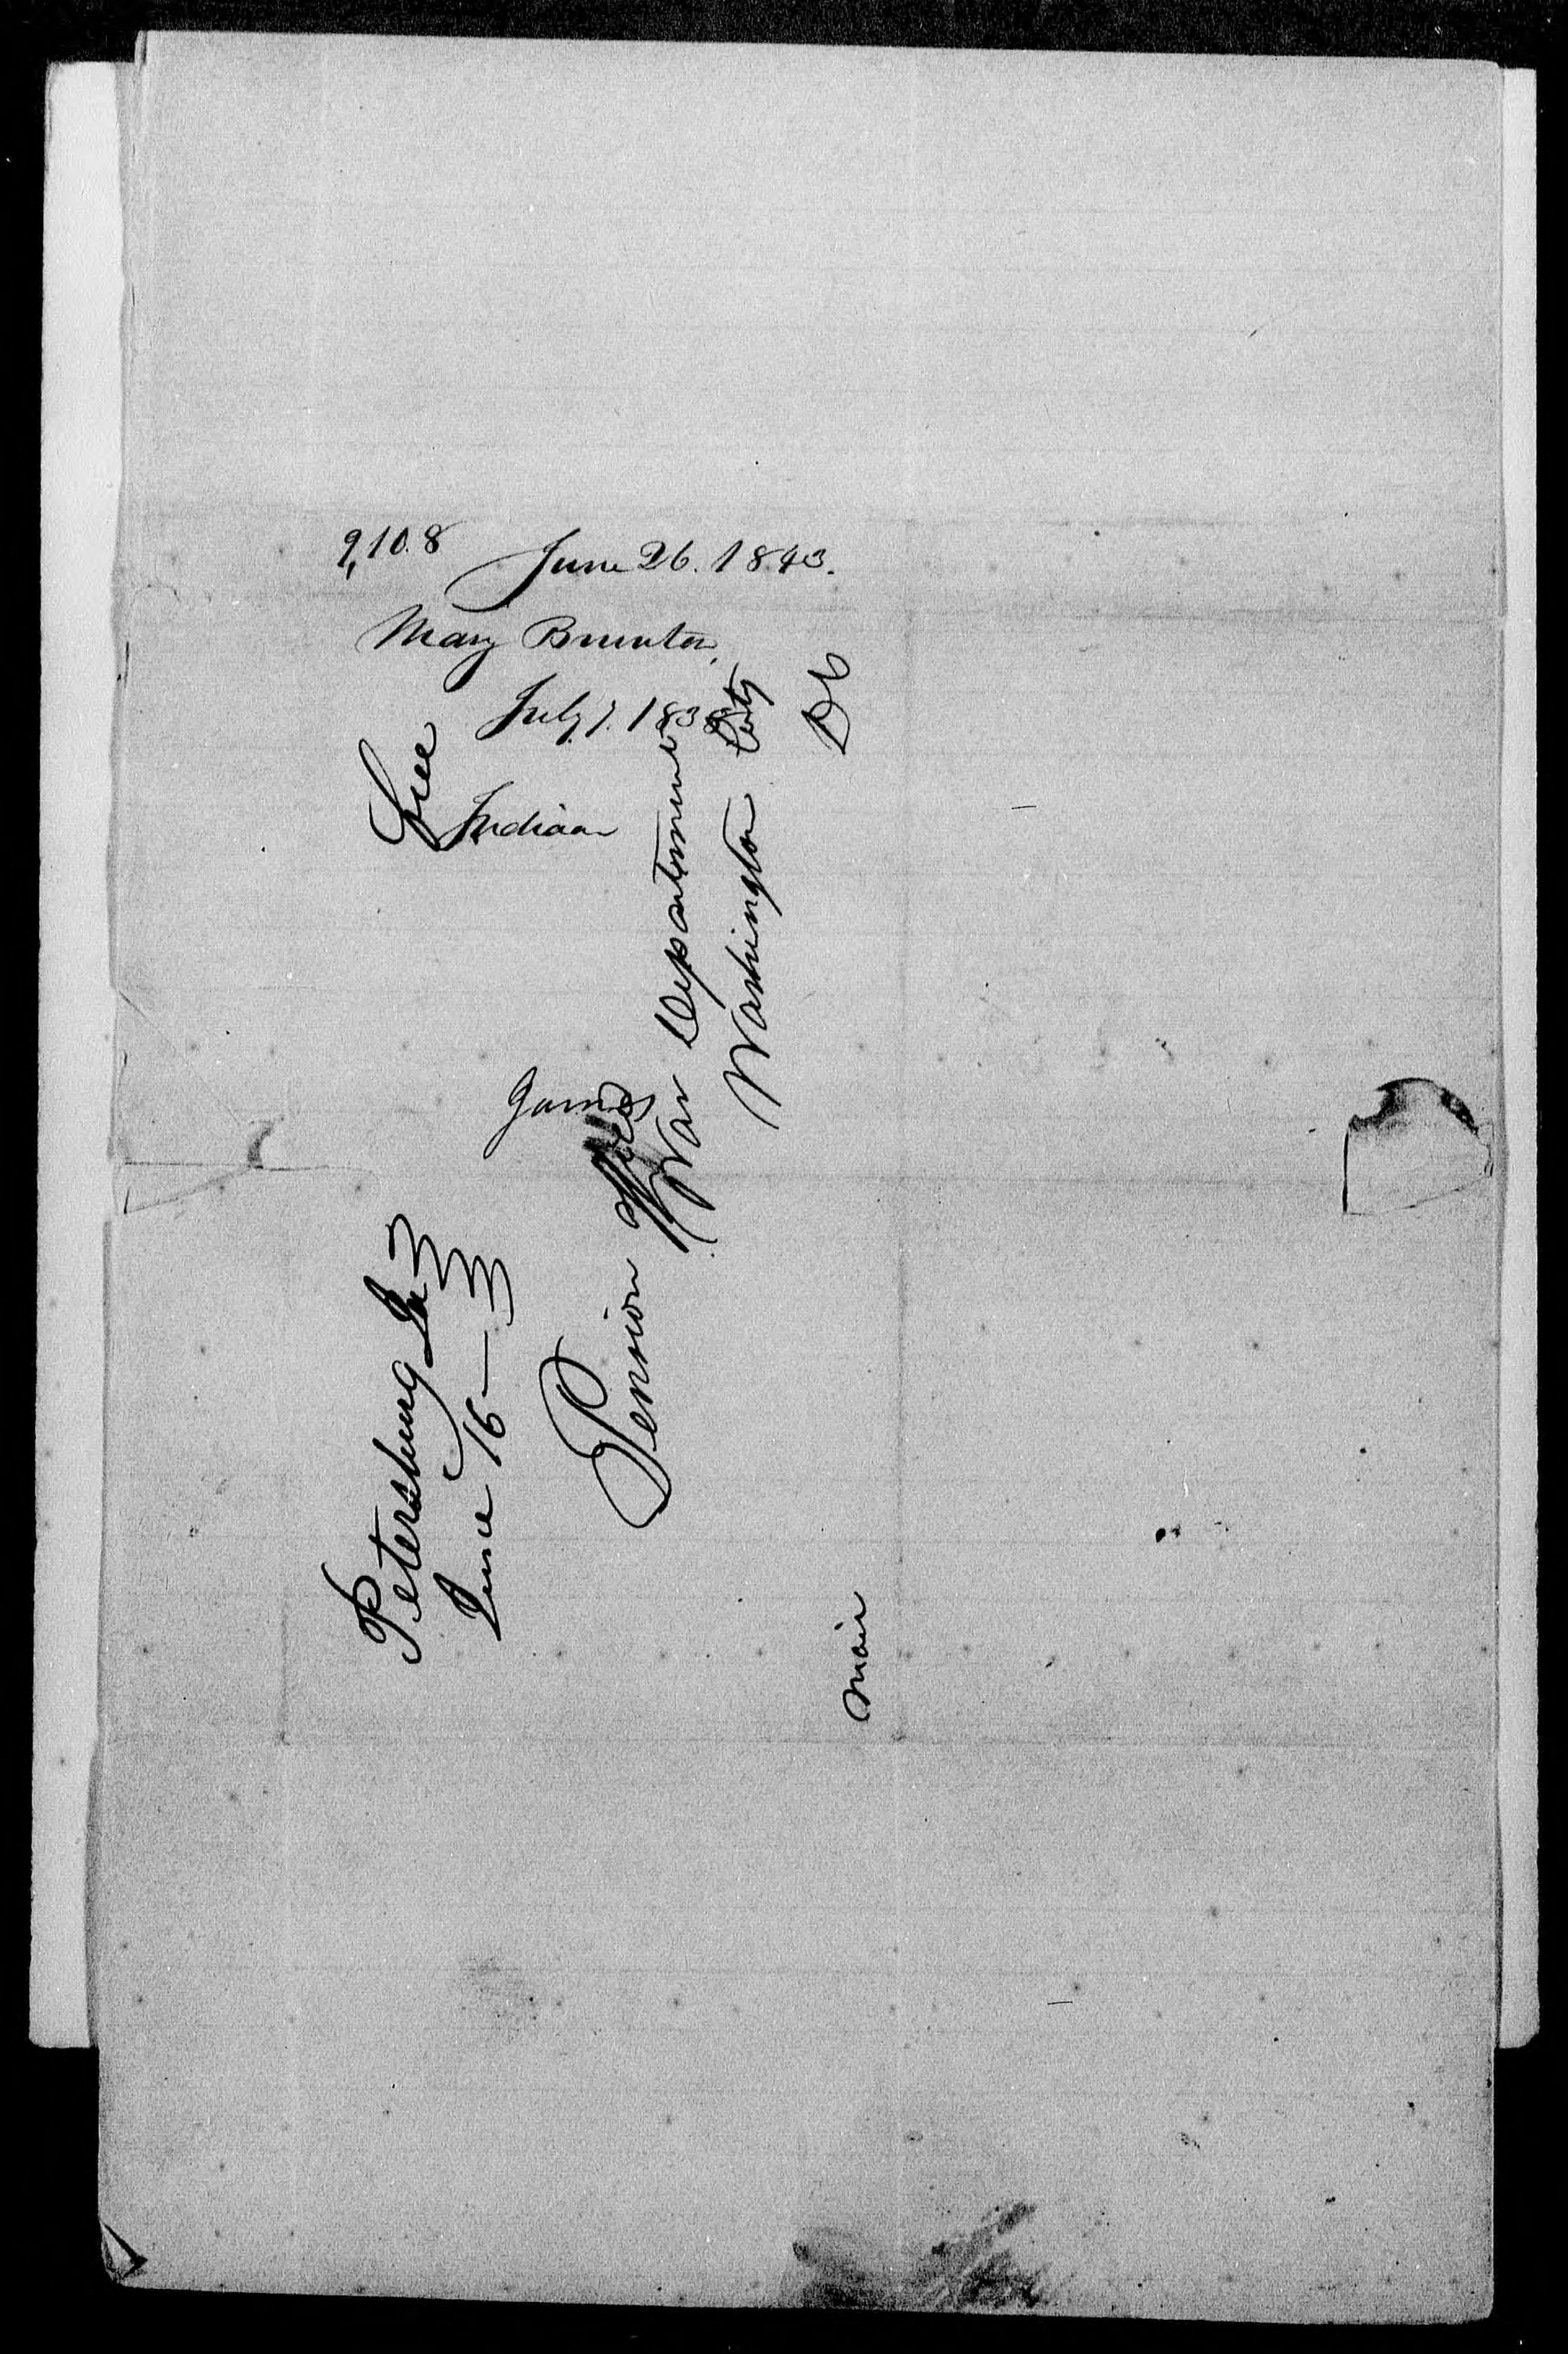9,108 June 26, 1843.
Mary Brunton
July 1, 1838
Indiana

[text written vertically -- envelope addressed]
Peterburg In                     Free
June 16 ---
Pension Office
War Department
Washington City
DC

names: Mary Brunton, James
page: 9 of 49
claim: widow's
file: W. 2518, James Brenton, Va.